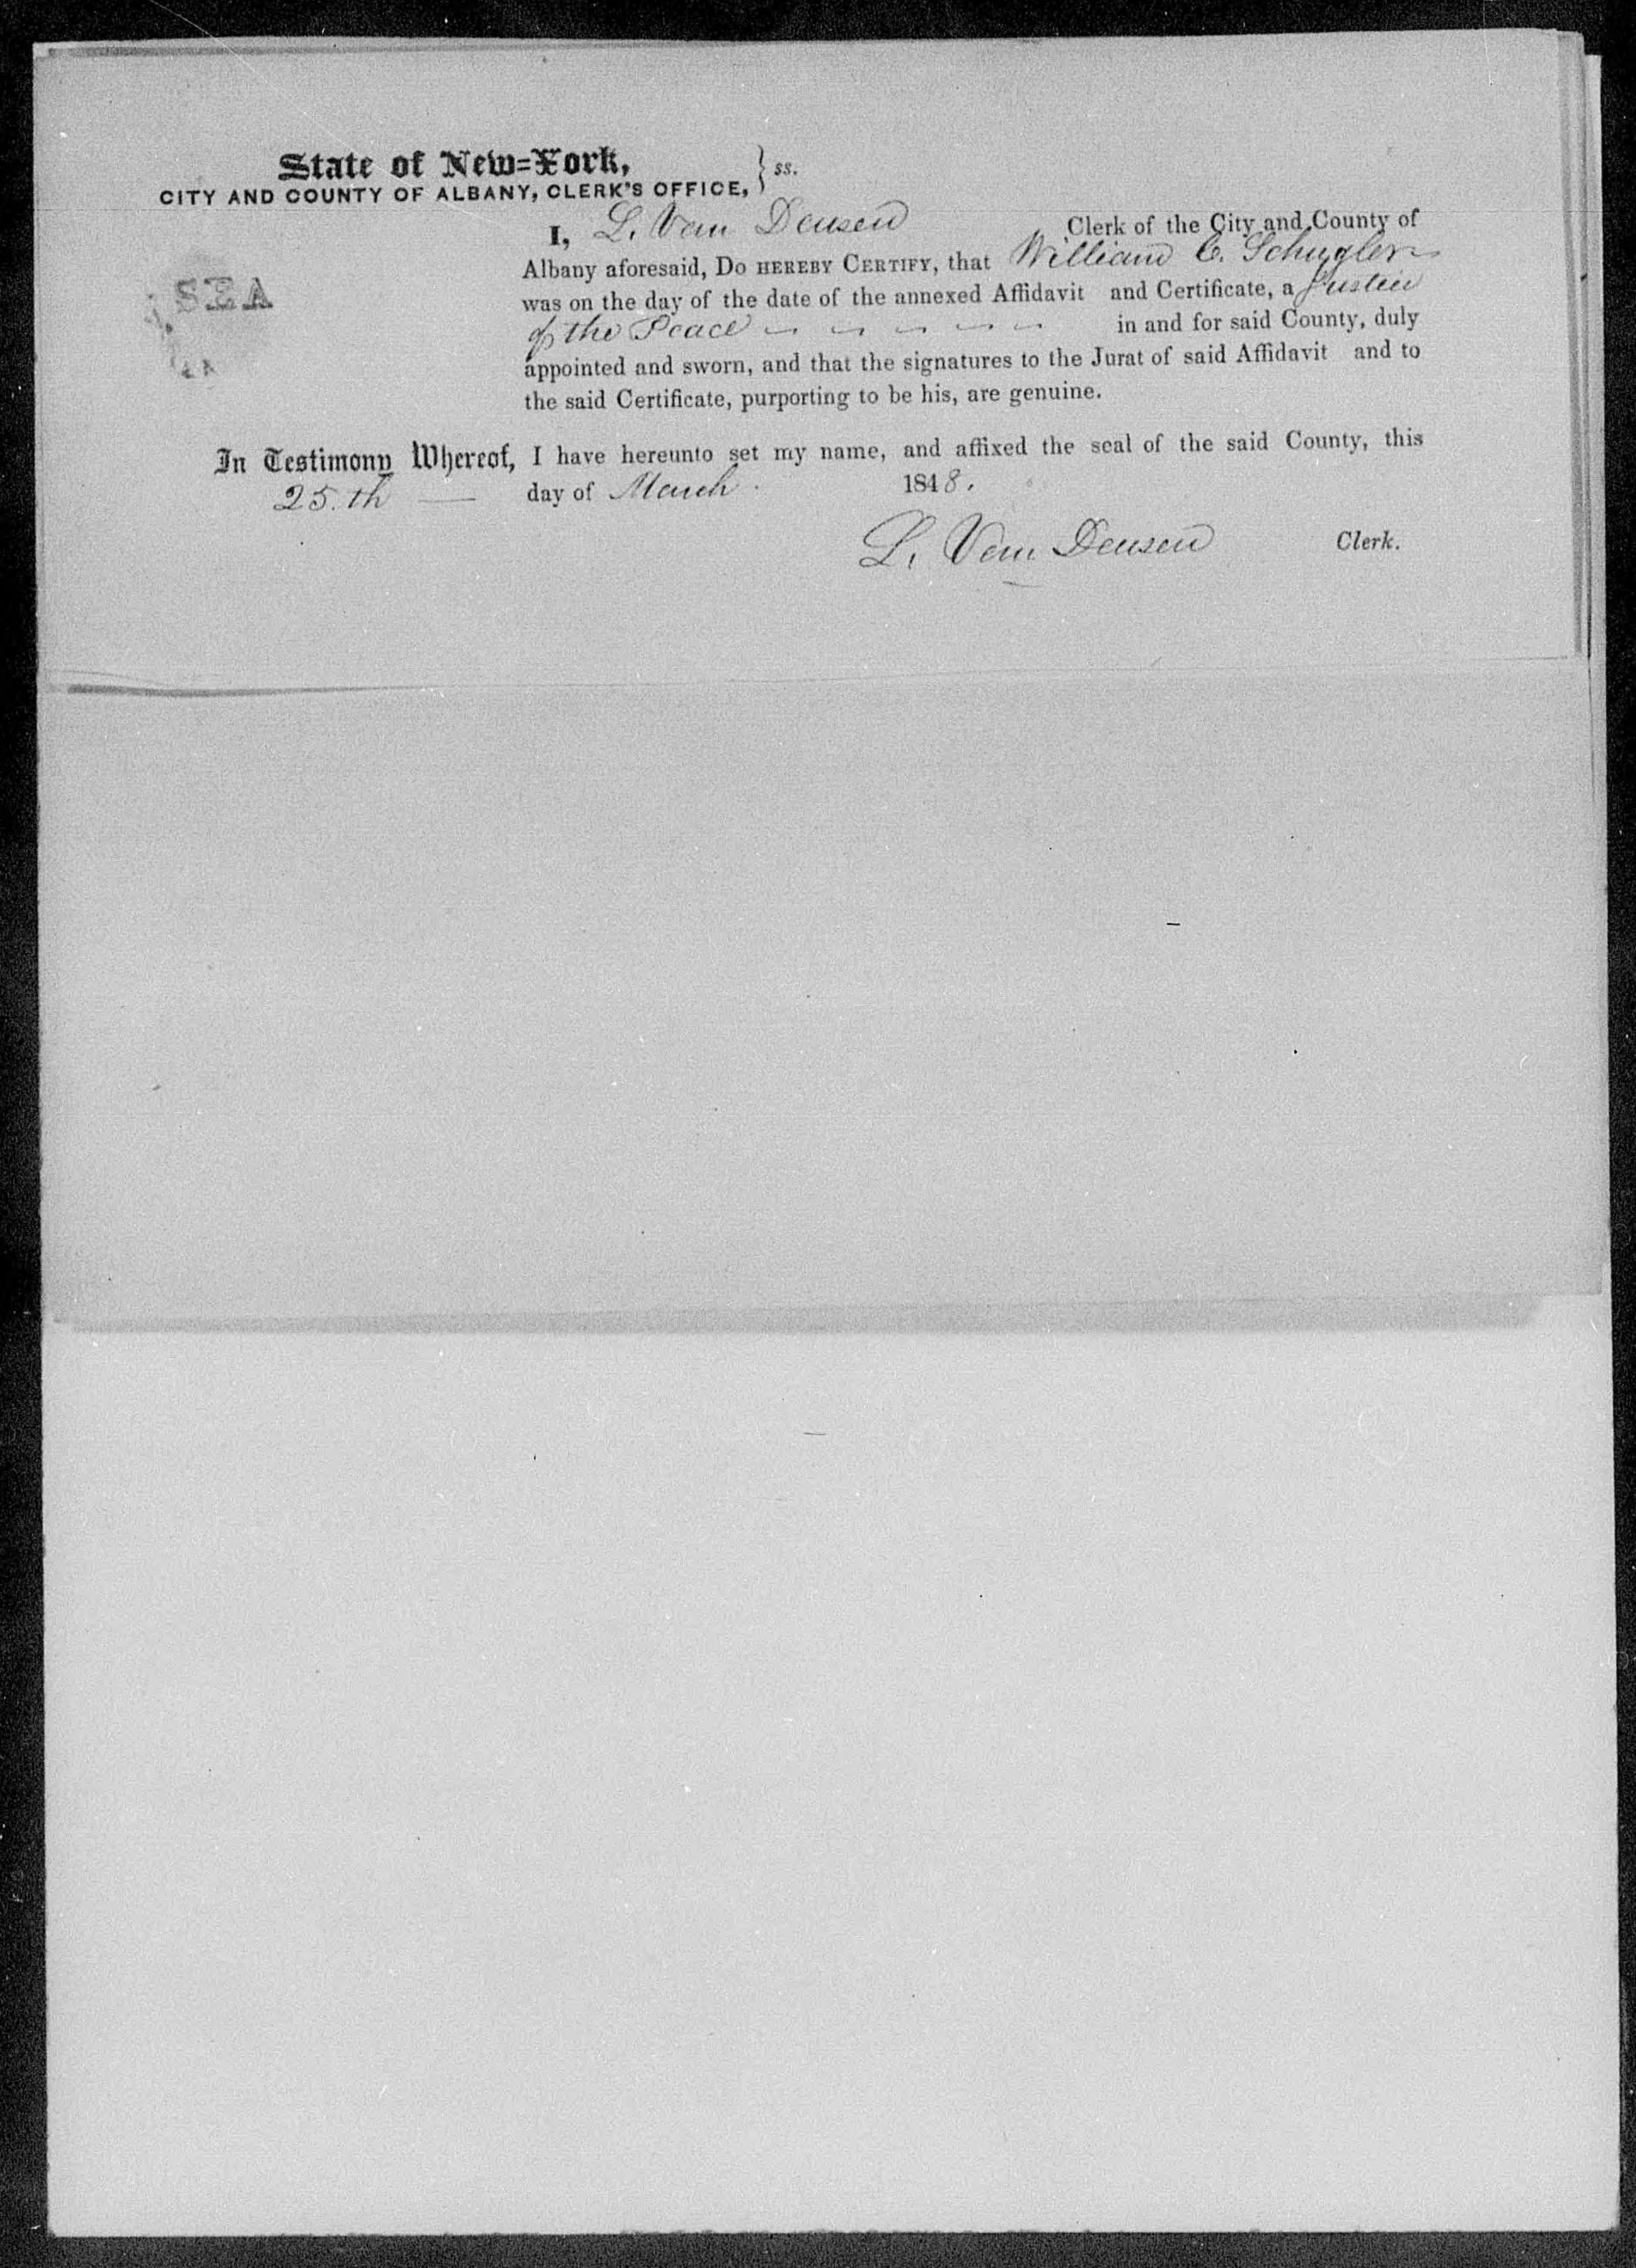State of New-York,
CITY AND COUNTY OF ALBANY, CLERKS OFFICE,}ss.

I, L Van Deusen Clerk of the City and County of Albany aforesaid, DO HEREBY CERTIFY, that William C. Schuglar was on the day of the date of the annexed Affidavit and Certificate, a Justice of the Peace --- in and for said County, duly appointed and sworn, and that the signatures to the Jurat of said Affidavit and to the said Certificate, purporting to be his, are genuine.
In Testimony Whereof, I have hereunto set my name, and affixed the seal of the said County, this 25th day of March 1848,
L. Van Deusen Clerk. (signature)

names: L Van Deusen, William C Schugler, L Van Deusen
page: 48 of 52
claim: widow's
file: W 19755, Jonathan Hoard, Mass.